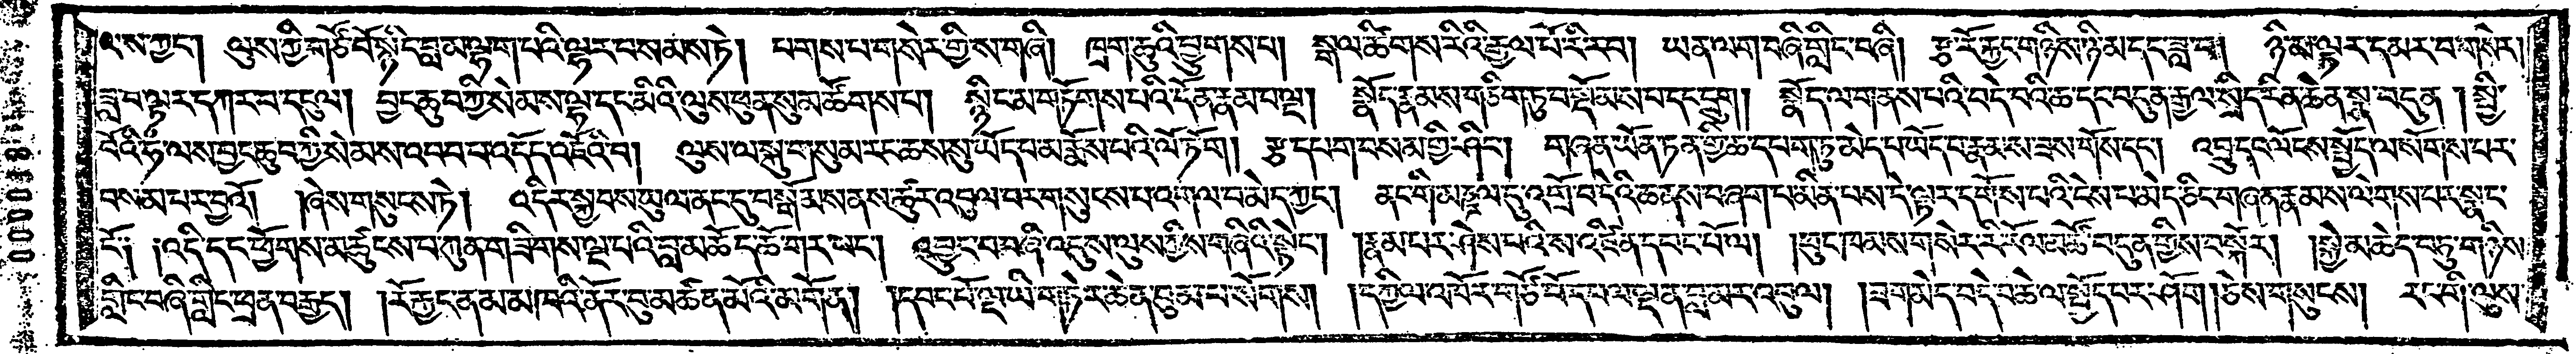ལས་ཀྱང་། ལུས་ཀྱི་གཙོ་བོ་སྙིང་བླ་མ་ལྷག་པའི་ལྷར་བསམས་ཏེ། པགས་པ་གསེར་གྱིས་གཞི། ཁྲག་ཆུའི་བྱུགས་པ། སྒལ་ཚིགས་རིའི་རྒྱལ་པོ་རི་རབ། ཡན་ལག་བཞི་གླིང་བཞི། རྩ་རོ་རྐྱང་གཉིས་ཉི་མ་དང་ཟླ་བ། ཉི་མ་ལྟར་དམར་བ་གསེར་
ཟླ་བ་ལྟར་དཀར་པ་དངུལ། བྱང་ཆུབ་ཀྱི་སེམས་ལྷ་དང་མིའི་ལུས་ཕུན་སུམ་ཚོགས་པ། སྙིང་མ་གཏོགས་པའི་དོན་རྣམ་པ་ལྔ། སྣོད་རྣམས་གཅིག་ཏུ་བསྡོམས་པ་དང་དྲུག། སྣོད་ལ་གནས་པའི་བདེ་བའི་ཆ་དང་བདུན་རྒྱལ་སྲིད་རིན་ཆེན་སྣ་བདུན་།སྤྱི་
པོའི་ཧཾ་ལས་བྱང་ཆུབ་ཀྱི་སེམས་འབབ་པ་འདོད་འཇོའི་བ། ལུས་ལ་སྐུ་གསུམ་རང་ཆས་སུ་ཡོད་པ་མ་རྨོས་པའི་ལོ་ཏོག། རྩ་དཔག་བསམ་གྱི་ཤིང་། གཞན་ཡོན་ཏན་གྱི་ཆ་དཔག་ཏུ་མེད་པ་ཡོད་པ་རྣམས་ཟས་གོས་དང་། འབྲུ་དང་ལོངས་སྤྱོད་ལ་སོགས་པར་
བསམ་པར་བྱའོ། །ཞེས་གསུངས་ཏེ། འདིར་སྐྱབས་ཡུལ་ནང་དུ་བསྒོམས་ནས་ཚུར་འབུལ་བར་གསུངས་པ་འགལ་བ་མེད་ཀྱང་། ནང་གི་མཎྜལ་དུ་འགྲོ་བདེའི་ཆ་ནས་བཞག་པ་མིན་པས་དེ་ལྟར་དགོས་པའི་ངེས་པ་མེད་ཅིང་གཞན་རྣམས་ལེགས་པར་སྣང་
ངོ༑ ༑འདི་དང་ཕྱོགས་མཚུངས་པ་ཀུན་གཟིགས་ལྔ་པའི་བླ་མཆོད་ཆོ་གར་ཡང་། འབྱུང་བ་བཞི་འདུས་ལུས་ཀྱིས་གཞིའི་སྟེང་། །རྣམ་པར་ཤེས་པའི་ས་འཛིན་དབང་པོ་ལ། །ཕུང་ཁམས་གསེར་རི་རོལ་མཚོ་བདུན་གྱིས་བསྐོར། །སྐྱེ་མཆོད་བཅུ་གཉིས་
གླིང་བཞི་གླིང་ཕྲན་བརྒྱད། །རོ་རྐྱང་ནམ་མཁའི་ནོར་བུ་མཚན་མོའི་མགོན། །དབང་པོ་ལྔ་ཡི་གཏེར་ཆེན་བུམ་པ་སོགས། །དཀྱིལ་འཁོར་གཙོ་བོ་དཔལ་ལྡན་བླ་མར་འབུལ། །ཟག་མེད་བདེ་བ་ཆེ་ལ་སྤྱོད་པར་ཤོག །ཅེས་གསུངས། རང་གི་ལུས་